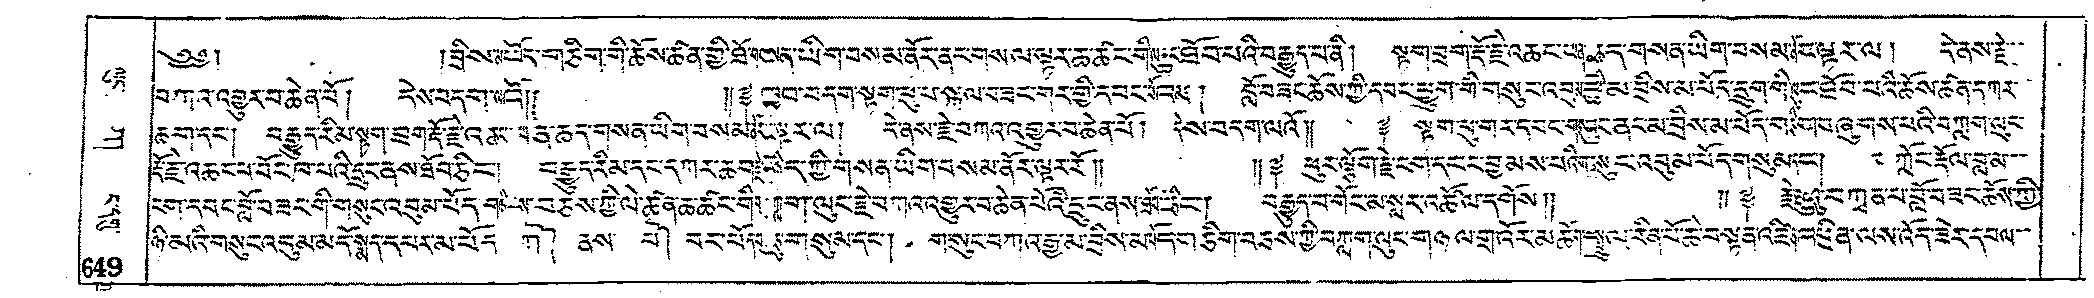༄༅། །བྲིས་མ་པོད་གཅིག་གི་ཆོས་ཚན་གྱི་ཐོ་གསན་ཡིག་བསམ་ནོར་ནང་གསལ་ལྟར་ཆ་ཚང་གི་ལུང་ཐོབ་པའི་བརྒྱུད་པ་ནི། སྟག་བྲག་རྡོ་རྗེ་འཆང་ཡན་ཆད་གསན་ཡིག་བསམ་ནོར་ལྟར་ལ། དེ་ནས་རྗེ་
བཀའ་འགྱུར་བ་ཆེན་པོ། དེས་བདག་ལའོ།། །།འ་ཁྱབ་བདག་སྟག་ཕུ་པ་སྐལ་བཟང་གར་གྱི་དབང་པོའམ། བློ་བཟང་ཆོས་ཀྱི་དབང་ཕྱུག་གི་གསུང་འབུམ་ཕྱི་མ་བྲིས་མ་པོད་དྲུག་གི་ལུང་ཐོབ་པའི་ཆོས་ཚན་དཀར་
ཆག་དང་། བརྒྱུད་རིམ་སྟག་བྲག་རྡོ་རྗེ་འཆང་ཡན་ཆད་གསན་ཡིག་བསམ་ནོར་ལྟར་ལ། དེ་ནས་རྗེ་བཀའ་འགྱུར་བ་ཆེན་པོ། དེས་བདག་ལའོ།། འ་སྟག་ཕུ་གར་དབང་གསུང་ནང་མ་བྲིས་མ་པོད་གཅིག་བཞུགས་པའི་བཀླག་ལུང་
རྡོ་རྗེ་འཆང་ཕ་བོང་ཁ་པའི་དྲུང་ནས་ཐོབ་ཅིང་། བརྒྱུད་རིམ་དང་དཀར་ཆག་རྗེ་ཉིད་ཀྱི་གསན་ཡིག་བསམ་ནོར་ལྟར་རོ།། །།འ་ཕུར་ལྕོག་རྗེ་ངག་དབང་བྱམས་པའི་གསུང་འབུམ་པོད་གསུམ་དང་། ༧་ཀློང་རྡོལ་བླ་མ་
ངག་དབང་བློ་བཟང་གི་གསུང་འབུམ་པོད་གཉིས་བཅས་ཀྱི་ལེ་ཚན་ཆ་ཚང་གི་བཀླག་ལུང་རྗེ་བཀའ་འགྱུར་བ་ཆེན་པོའི་དྲུང་ནས་ཐོབ་ཅིང་། བརྒྱུད་པ་གོང་མ་སླར་འཚོལ་དགོས།། །། འ་རྗེ་ཐུའུ་བཀྭན་པ་བློ་བཟང་ཆོས་ཀྱི་
ཉི་མའི་གསུང་འབུམ་མདོ་སྨད་དཔར་མ་པོད་ཀ༼་ནས་པ༽ བར་པོད་བཅུ་གསུམ་དང་། གསུང་བཀའ་རྒྱ་མ་བྲིས་མ་པོད་གཅིག་བཅས་ཀྱི་བཀླག་ལུང་གཉལ་གྲའོར་མཆོག་སྤྲུལ་རིན་པོ་ཆེ་བསྟན་འཛིན་འཕྲིན་ལས་འོད་ཟེར་དཔལ་